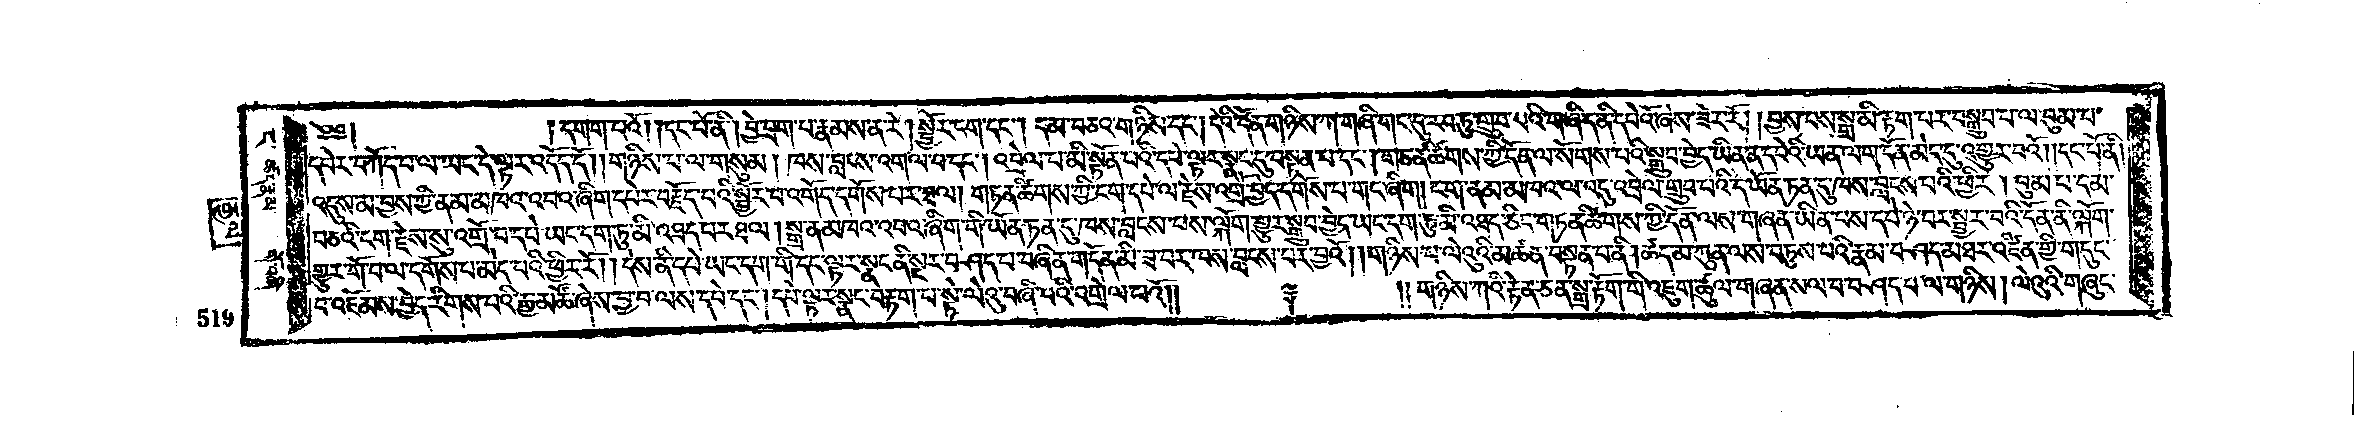༄༅། །དགག་པའོ། །དང་པོ་ནི། བྱེ་བྲག་པ་རྣམས་ན་རེ། སྦྱོར་ངག་དང་། དམ་བཅའ་གཉིས་དང་། དེའི་དོན་གཉིས་ཀ་གཞི་གང་དུ་རབ་ཏུ་གྲུབ་པའི་གཞི་དེ་ནི་དཔེའོ་ཞེས་ཟེར་རོ། །བྱས་པས་སྒྲ་མི་རྟག་པར་བསྒྲུབ་པ་ལ་བུམ་པ་
དཔེར་བཀོད་པ་ལ་ཡང་དེ་ལྟར་འདོད་དོ། །གཉིས་པ་ལ་གསུམ། ཁས་བླངས་འགལ་བ་དང་། འབྲེལ་པ་མི་སྟོན་པའོ་དཔེ་ལྟར་སྣང་དུ་བསྟན་པ་དང་། གཅན་ཚིགས་ཀྱི་དོན་ལ་སོགས་པའི་སྒྲུབ་བྱེད་ཡིན་ན་དཔེའི་ཡན་ལག་དོན་མེད་དུ་འགྱུར་བའོ། །དང་པོ་ནི།
འདུས་མ་བྱས་ཀྱི་ནམ་མཁའ་འབའ་ཞིག་དཔེར་བརྗོད་པའི་སྦྱོར་བ་འགོད་དགོས་པར་ཐལ། གཏན་ཚིགས་ཀྱི་ངག་དཔེ་ལ་རྗེས་འགྲོ་བྱེད་དགོས་པ་གང་ཞིག །ངག་ནམ་མཁའ་ལ་འདུ་འབྲེལ་གྲུབ་པའི་དེ་ཡོན་ཏན་དུ་ཁས་བླངས་པའི་ཕྱིར། བུམ་པ་དམ་
བཅའི་ངག་རྗེས་སུ་འགྲོ་བ་དཔེ་ཡང་དག་ཏུ་མི་འཐད་པར་ཐལ། སྒྲ་ནམ་མཁའ་འབའ་ཞིག་གི་ཡོན་ཏན་དུ་ཁས་བླངས་པས་ལྐོག་གྱུར་སྒྲུབ་བྱེད་ཡང་དག་ཏུ་མི་འཐད་ཅིང་གཏན་ཚིགས་ཀྱི་དོན་ལས་གཞན་ཡིན་པས་དཔེ་ཉེ་བར་སྦྱར་བའི་དོན་ནི་ལྐོག་
གྱུར་གོ་བ་ལ་དགོས་པ་མེད་པའི་ཕྱིར་རོ། །དེས་ནི་དཔེ་ཡང་དག་གི་དང་ལྟར་སྣང་ནི་སྔར་བཤད་པ་བཞིན་གདོན་མི་ཟ་བར་ཁས་བླངས་པར་བྱའོ། །གཉིས་པ་ལེའུའི་མཚན་བསྟན་པ་ནི། ཚད་མ་ཀུན་ལས་བཏུས་པའི་རྣམ་བཤད་མཐར་འཛིན་གྱི་གདུང་
བ་འཇོམས་བྱེད་རིགས་པའི་རྒྱ་མཚོ་ཞེས་བྱ་བ་ལས་དཔེ་དང་། དཔེ་ལྟར་སྣང་བརྟག་པ་སྟེ་ལེའུ་བཞི་པའི་འགྲེལ་པའོ།། ༈ །།གཉིས་ཀའི་རྟེན་ཅན་སྒྲ་རྟོག་གི་འཇུག་ཚུལ་གཞན་ལས་བ་བཤད་པ་ལ་གཉིས། ལེའུའི་གཞུང་